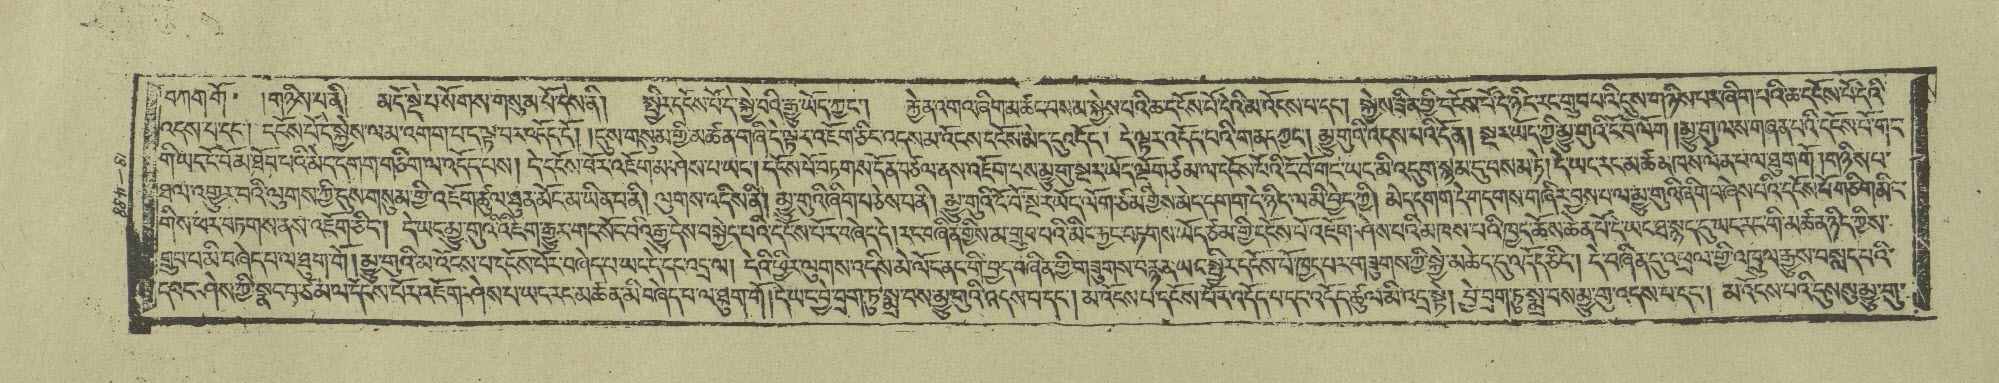བཀག་གོ །གཉིས་པ་ནི། མདོ་སྡེ་པ་སོགས་གསུམ་པོ་དེས་ནི། སྤྱིར་དངོས་པོ་དེ་སྐྱེ་བའི་རྒྱུ་ཡོད་ཀྱང་། རྐྱེན་འགའ་ཞིག་མ་ཚང་བས་མ་སྐྱེས་པའི་ཆ་དངོས་པོ་དེའི་མ་འོངས་པ་དང་། སྐྱེས་ཟིན་གྱི་དངོས་པོ་དེ་ཉིད་རང་གྲུབ་པའི་དུས་གཉིས་པར་ཞིག་པའི་ཆ་དངོས་པོ་དེའི་
འདས་པ་དང་། དངོས་པོ་དེ་སྐྱེས་ལམ་འགག་པ་ད་ལྟ་བར་འདོད་དོ། །དུས་གསུམ་གྱི་མཚན་གཞི་དེ་ལྟར་འཇོག་ཅིང་འདས་མ་འོངས་དངོས་མེད་དུ་འདོད། དེ་ལྟར་འདོད་པའི་གནད་ཀྱང་། མྱུ་གུའི་འདས་པའི་དོན། སྔར་ཡོད་ཀྱི་མྱུ་གུའི་ངོ་བོ་ལོག །མྱུ་གུ་ལས་གཞན་པའི་དངོས་པོ་གང་
གི་ཡང་ངོ་བོ་མ་ཐོབ་པའི་མེད་དགག་གཅིག་ལ་འདོད་པས། དེ་དངོས་པོར་འཇོག་མ་ཤེས་པ་ཡང་། དངོས་པོ་བཏགས་དོན་བཙལ་ནས་འཇོག་པས་མྱུ་གུ་སྔར་ཡོད་ལྡོག་ཙམ་ལ་དངོས་པོའི་ངོ་བོ་གང་ཡང་མི་འདུག་སྙམ་དུ་བསམ་ཏེ། དེ་ཡང་རང་མཚན་ཁས་ལེན་པ་ལ་ཐུག་གོ །གཉིས་པ་
ཐལ་འགྱུར་བའི་ལུགས་ཀྱི་དུས་གསུམ་གྱི་འཇོག་ཚུལ་ཐུན་མོང་མ་ཡིན་པ་ནི། ལུགས་འདིས་ནི། མྱུ་གུའི་ཞིག་པ་ཅེས་པ་ནི། མྱུ་གུའི་ངོ་བོ་སྔར་ཡོད་ལོག་ཙམ་གྱིས་མེད་དགག་དེ་ཉིད་ལ་མི་བྱེད་ཀྱི། མེད་དགག་དེ་གདགས་གཞིར་བྱས་པ་ལ་མྱུ་གུའི་ཞིག་པ་ཞེས་པའི་དངོས་པོ་གཅིག་མིང་
གིས་ཕར་བཏགས་ནས་འཇོག་ཅིང་། དེ་ཡང་མྱུ་གུའི་འཇིག་རྒྱུར་གང་སོང་བའི་རྒྱུ་དེས་བསྐྱེད་པའི་དངོས་པོར་བཞེད་དེ། རང་བཞིན་གྱིས་མ་གྲུབ་པའི་མིང་རྐྱང་བཏགས་ཡོད་ཙམ་གྱི་དངོས་པོ་འཇོག་ཤེས་པའི་མཁས་པའི་ཁྱད་ཆོས་ཆེན་པོ་དེ་ཡང་ཐ་སྙད་དུ་ཡང་རང་གི་མཚན་ཉིད་ཀྱིས་
གྲུབ་པ་མི་བཞེད་པ་ལ་ཐུག་གོ །མྱུ་གུའི་མ་འོངས་པ་དངོས་པོར་བཞེད་པ་ཡང་དེ་དང་འདྲ་ལ། དེའི་ཕྱིར་ལུགས་འདིས་མེ་ལོང་ནང་གི་བྱད་བཞིན་གྱི་གཟུགས་བརྙན་ཡང་སྤྱིར་དངོས་པོ་ཁྱད་པར་གཟུགས་ཀྱི་སྐྱེ་མཆེད་དུ་འདོད་ཅིང་། དེ་བཞིན་དུ་འཕྲལ་གྱི་འཁྲུལ་རྒྱུས་བསླད་པའི་
དབང་ཤེས་ཀྱི་སྣང་བ་ཙམ་ལ་དངོས་པོར་འཇོག་ཤེས་པ་ཡང་རང་མཚན་མི་བཞེད་པ་ལ་ཐུག་གོ །དེ་ཡང་བྱེ་བྲག་ཏུ་སྨྲ་བས་མྱུ་གུའི་འདས་པ་དང་། མ་འོངས་པ་དངོས་པོར་འདོད་པ་དང་འདོད་ཚུལ་མི་འདྲ་སྟེ། བྱེ་བྲག་ཏུ་སྨྲ་བས་མྱུ་གུ་འདས་པ་དང་། མ་འོངས་པའི་དུས་སུ་མྱུ་གུ་